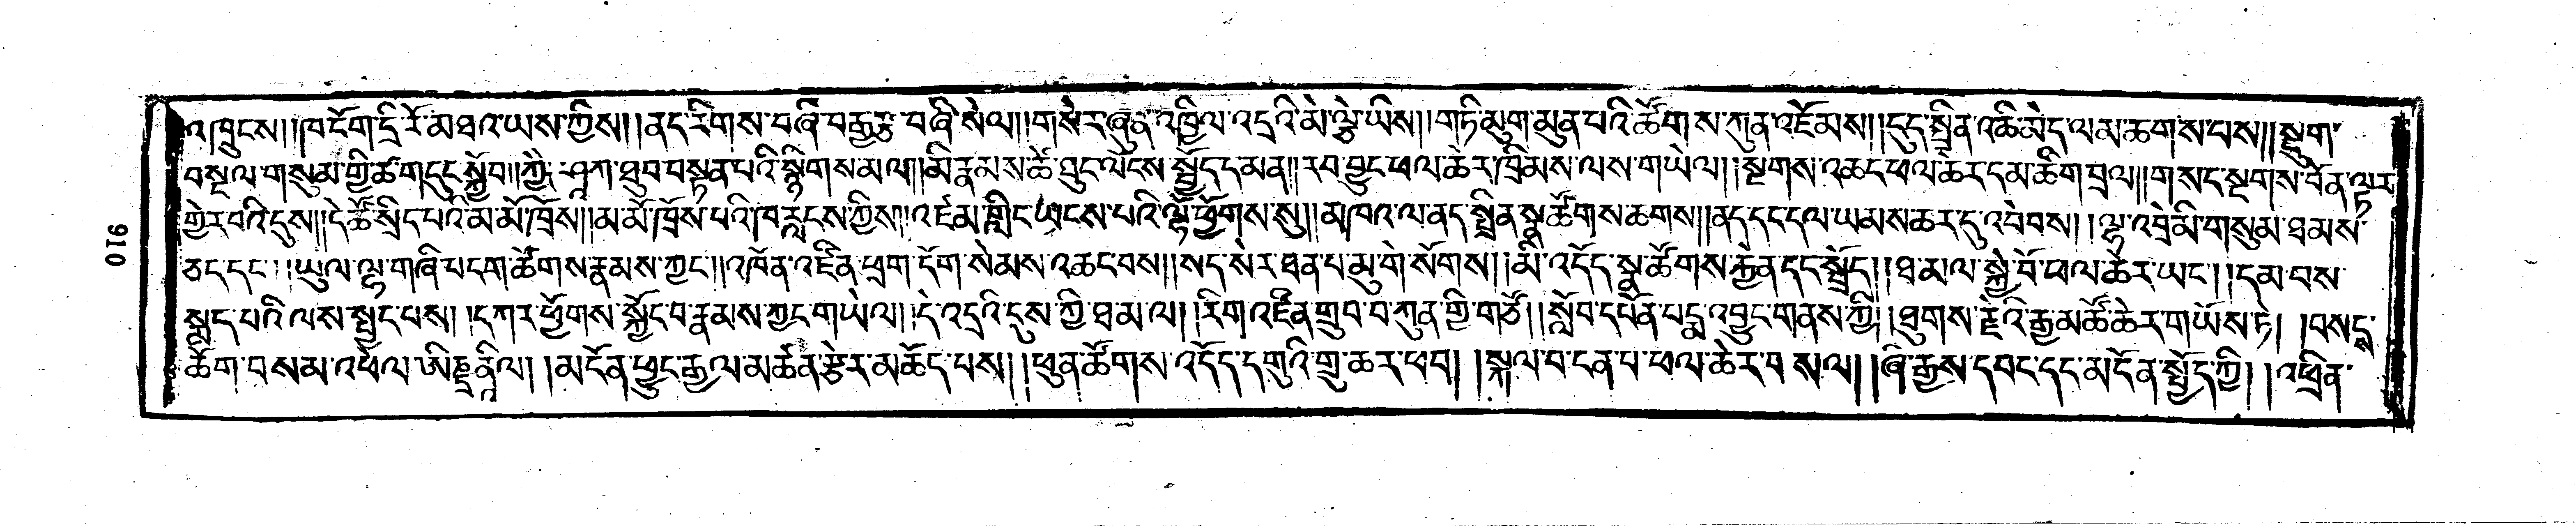འཁྲུངས། །ཁ་དོག་དྲི་རོ་མཐའ་ཡས་ཀྱིས། །ནད་རིགས་བཞི་བརྒྱ་རྩ་བཞི་སེལ། །གསེར་ཞུན་འཁྱིལ་འདྲའི་མེ་ལྕེ་ཡིས། །གཏི་མུག་མུན་པའི་ཚོགས་ཀུན་འཇོམས། །དུད་སྤྲིན་འཆི་མེད་ལམ་ཆགས་པས། །སྡུག་
བསྔལ་གསུམ་གྱི་ཚ་གདུང་སྐྱོབ། །ཀྱཻ། ཤཱཀ་ཐུབ་བསྟན་པའི་སྙིགས་མ་ལ། །མི་རྣམས་ཚེ་ཐུང་ལོངས་སྤྱོད་དམན། །རབ་བྱུང་ཕལ་ཆེར་ཁྲིམས་ལས་གཡེལ། །སྔགས་འཆང་ཕལ་ཆེར་དམ་ཚིག་བྲལ། །གསང་སྔགས་བོན་ལྟར་
གྱེར་བའི་དུས། །དེ་ཚེ་སྲིད་པའི་མ་མོ་ཁྲོས། །མ་མོ་ཁྲོས་པའི་ཁ་རླངས་ཀྱིས། །འཛམ་གླིང་ཡངས་པའི་ལྷོ་ཕྱོགས་སུ། །མཁའ་ལ་ནད་སྤྲིན་སྣ་ཚོགས་ཆགས། །ནད་དང་དལ་ཡམས་ཆར་དུ་འབེབས། །ལྷ་འདྲེ་མི་གསུམ་ཐམས་
ཅད་དང་། །ཡུལ་ལྷ་གཞི་བདག་ཚོགས་རྣམས་ཀྱང་། །འཁོན་འཛིན་ཕྲག་དོག་སེམས་འཆང་བས། །སད་སེར་ཐན་པ་མུ་གེ་སོགས། །མི་འདོད་སྣ་ཚོགས་རྐྱེན་དང་སྤྲོད། །ཐ་མལ་སྐྱེ་བོ་ཕལ་ཆེར་ཡང་། །དམ་པས་
སྨད་པའི་ལས་སྤྱད་པས། །དཀར་ཕྱོགས་སྐྱོང་བ་རྣམས་ཀྱང་གཡེལ། །དེ་འདྲའི་དུས་ཀྱི་ཐ་མ་ལ། །རིག་འཛིན་གྲུབ་པ་ཀུན་གྱི་གཙོ། །སློབ་དཔོན་པདམ་འབྱུང་གནས་ཀྱི། །ཐུགས་རྗེའི་རྒྱ་མཚོ་ཆེར་གཡོས་ཏེ། །བསངས་
ཆོག་བསམ་འཕེལ་ཨིཎྡྲ་ནཱིལ། །མངོན་ཕྱུང་རྒྱལ་མཚན་རྩེར་མཆོད་པས། །ཕུན་ཚོགས་འདོད་དགུའི་གྲུ་ཆར་ཕབ། །སྐལ་བ་ངན་པ་ཕལ་ཆེར་བསལ། །ཞི་རྒྱས་དབང་དང་མངོན་སྤྱོད་ཀྱི། །འཕྲིན་